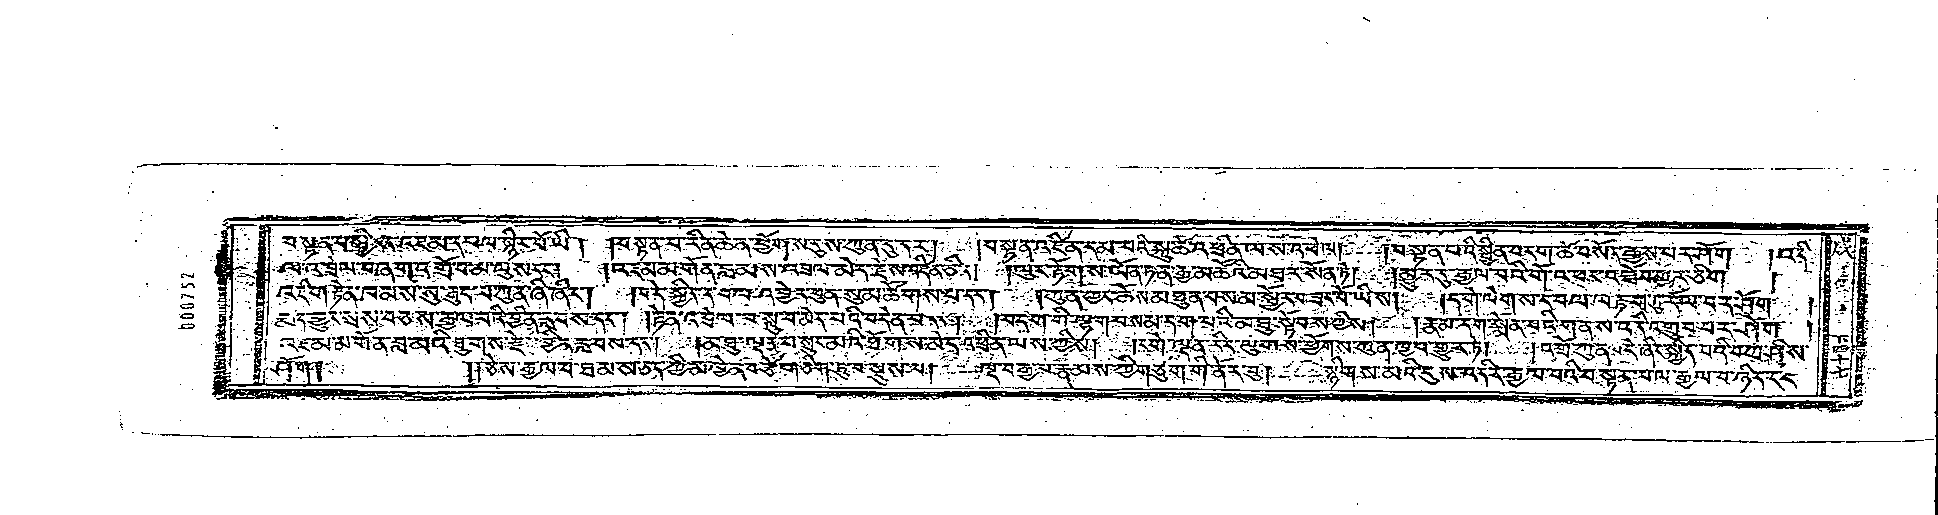བསྟན་པ་སྤྱི་དང་འཇམ་དཔལ་སྙིང་པོ་ཡི། །བསྟན་པ་རིན་ཆེན་ཕྱོགས་དུས་ཀུན་དུ་དར། །བསྟན་འཛིན་དམ་པའི་སྐུ་ཚེ་འཕྲིན་ལས་འཕེལ། །བསྟན་པའི་སྦྱིན་བདག་ཚེ་བསོད་རྒྱས་པར་ཤོག །འདི་
ལ་འབྲེལ་བ་བཞག་འགྲོ་བ་མ་ལུས་དང་། །འཇམ་མགོན་བླ་མས་འབྲལ་མེད་རྗེས་འཛིན་ཅིང་། །ལུང་རྟོགས་ཡོན་ཏན་རྒྱ་མཚོའི་མཐར་སོན་ཏེ། །མྱུར་དུ་རྒྱལ་བའི་གོ་འཕང་འཐོབ་གྱུར་ཅིག །
འཇིག་རྟེན་ཁམས་སུ་རྒུད་པ་ཀུན་ཞི་ཞིང་། །བདེ་སྐྱིད་དཔལ་འབྱོར་ཕུན་སུམ་ཚོགས་པ་དང་། །ཀུན་ཀྱང་ཆོས་མཐུན་བསམ་སྦྱོར་བཟང་པོ་ཡིས། །དགེ་ལེགས་དཔལ་ལ་རྟག་ཏུ་རོལ་བར་ཤོག །
རྨད་བྱུང་སྲས་བཅས་རྒྱལ་བའི་བྱིན་རླབས་དང་། །རྟེན་འབྲེལ་བསླུ་བ་མེད་པའི་བདེན་པ་དང་། །བདག་གི་ལྷག་བསམ་དག་པའི་མཐུ་སྟོབས་ཀྱིས། །རྣམ་དག་སྨོན་པའི་གནས་འདི་འགྲུབ་པར་ཤོག །
འཇམ་མགོན་བླ་མའི་ཐུགས་རྗེ་བྱིན་རླབས་དང་། །མཐུ་ལྡན་བསྲུང་མའི་ཐོགས་མེད་འཕྲིན་ལས་ཀྱིས། །དགེ་ལྡན་རིང་ལུགས་ཕྱོགས་ཀུན་ཁྱབ་གྱུར་ཏེ། །འགྲོ་ཀུན་བདེ་ཞིང་སྐྱེད་པའི་བཀྲ་ཤིས་
ཤོག། །།ཅེས་རྒྱལ་བ་ཐམས་ཅད་ཀྱི་མཁྱེན་བརྩེ་གཅིག་ཏུ་བསྡུས་པ། ལྔ་བརྒྱ་པ་རྣམས་ཀྱི་གཙུག་གི་ནོར་བུ། སྙིགས་མའི་དུས་འདིར་རྒྱལ་བའི་བསྟན་པ་ལ་རྒྱལ་བ་ཉིད་དང་